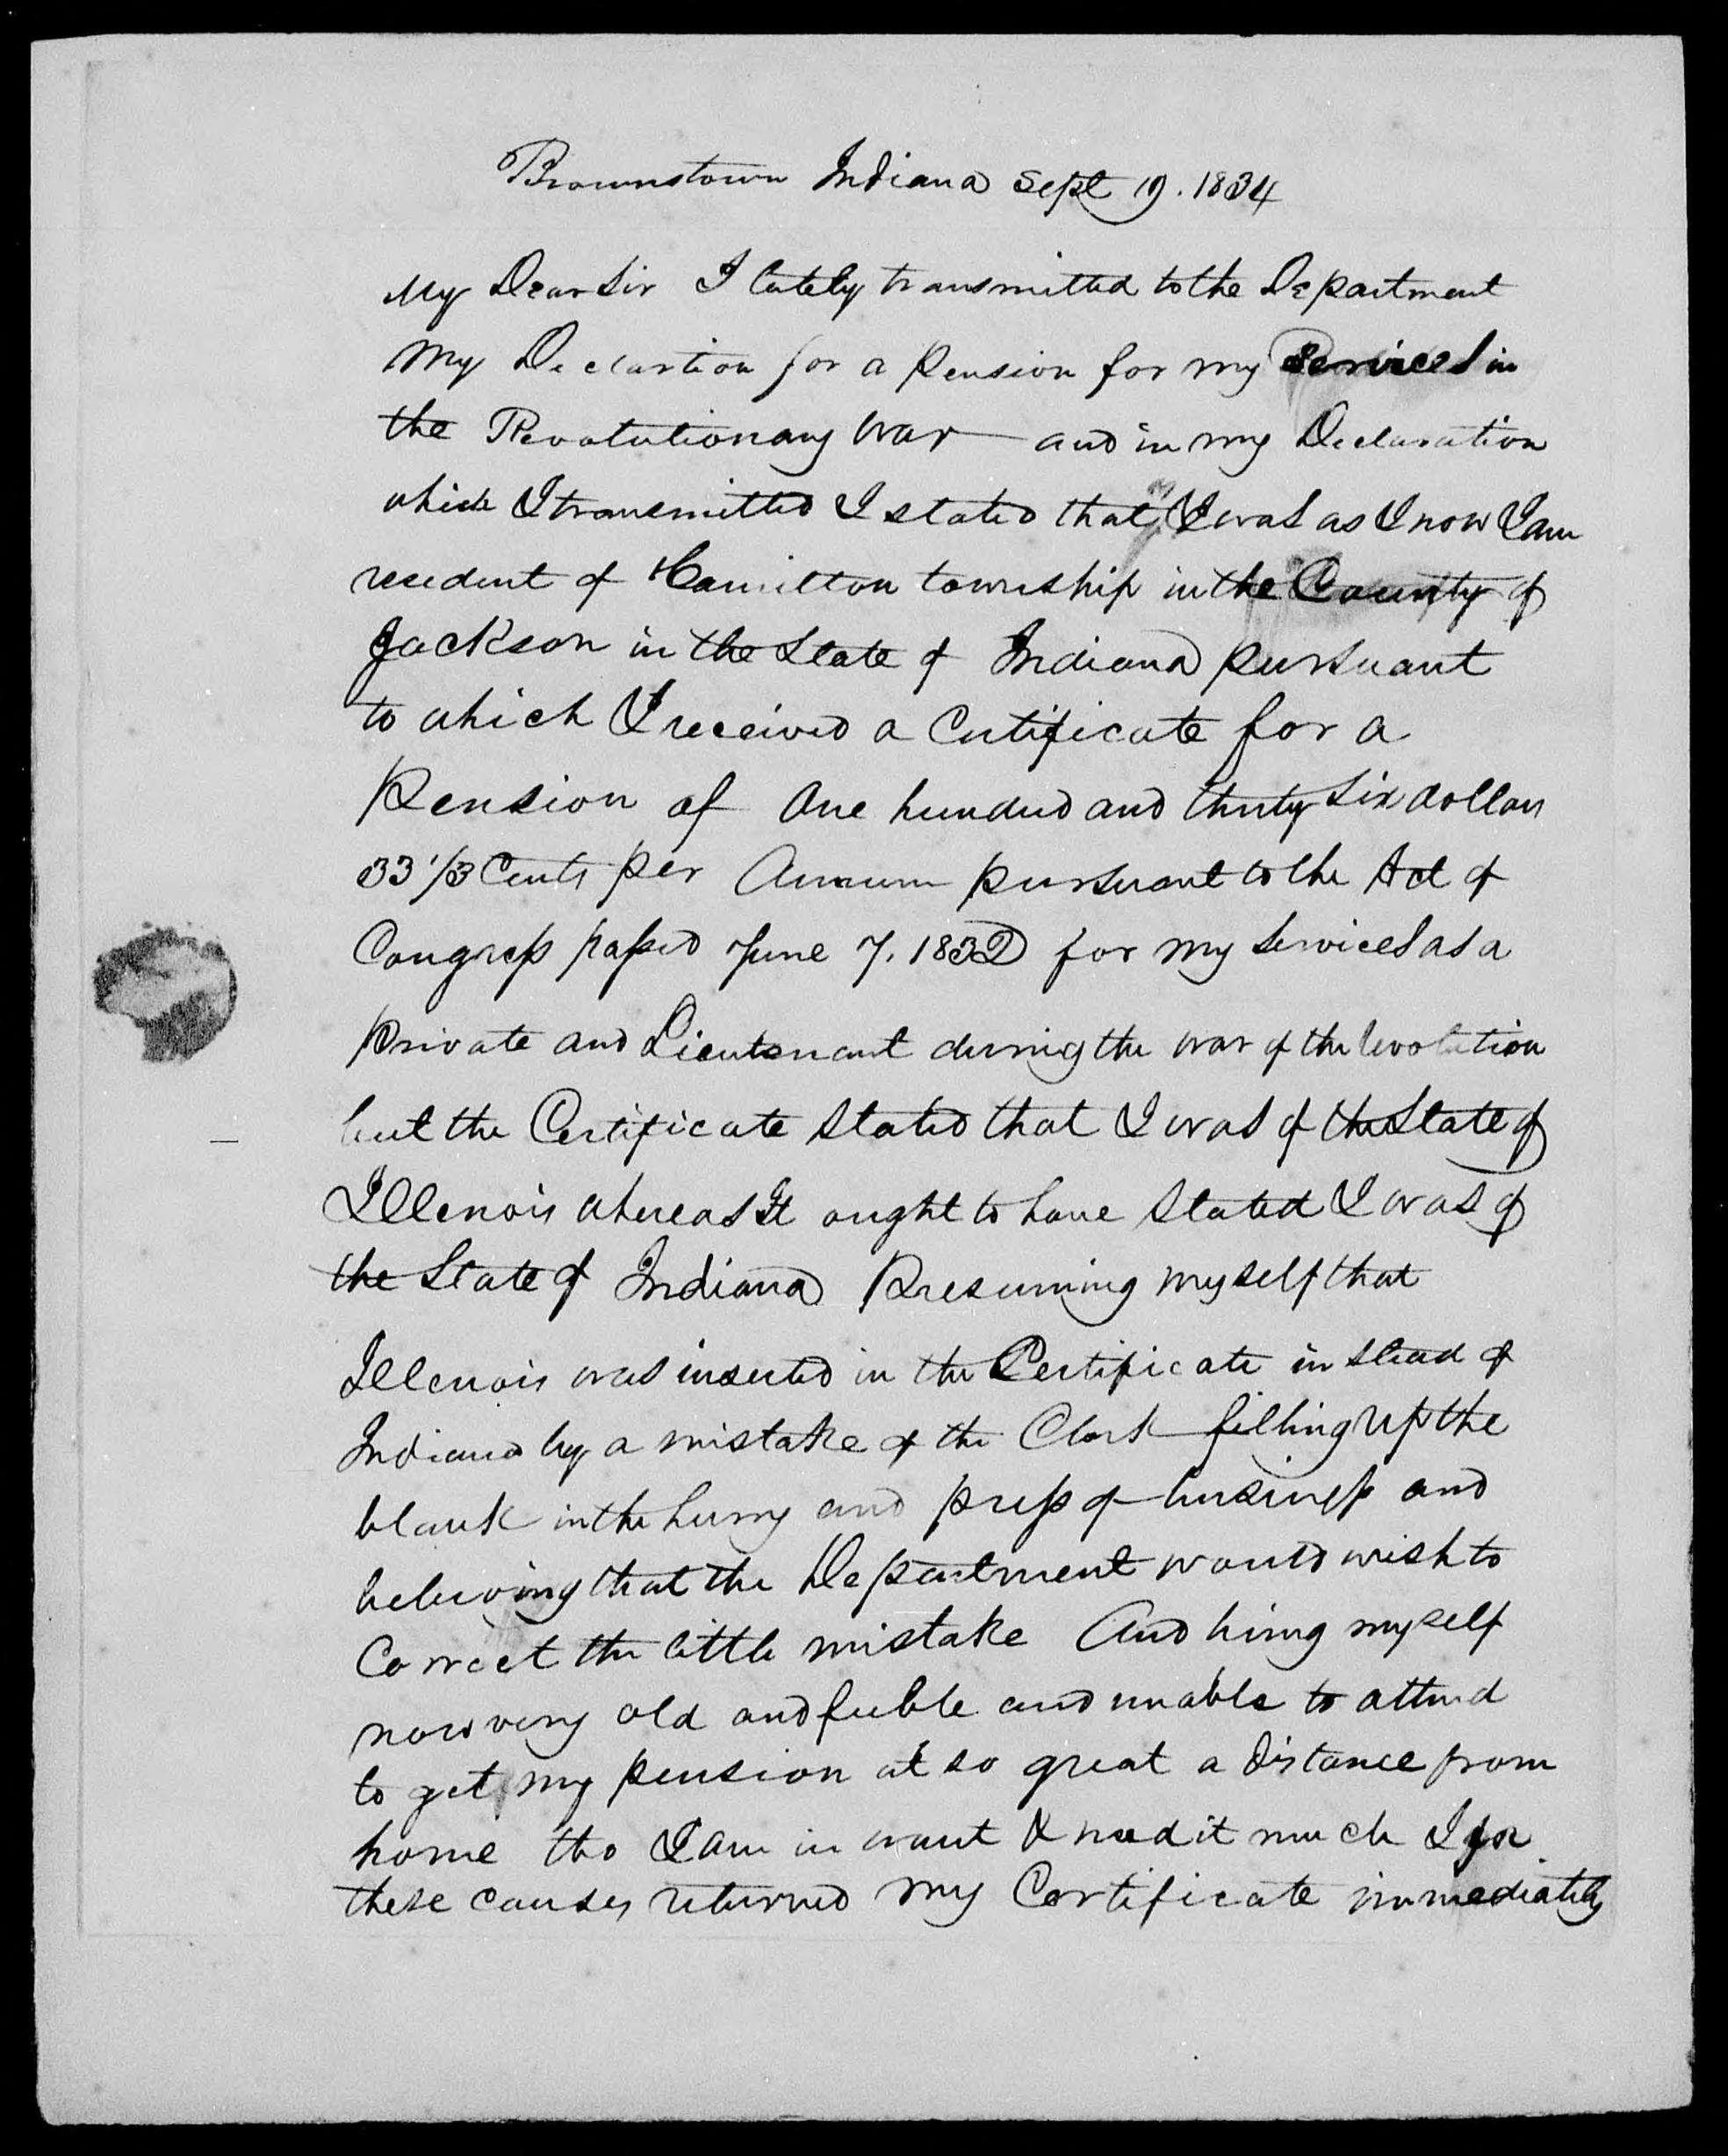Brownstown Indiana Sept 19. 1834
My Dear Sir I lately transmitted to the Department my Declaration for a pension for my services in the Revolutionary war and in my Declaration which I transmitted I stated that I was as I now I am resident of Hamilton township in the County of Jackson in the State of Indiana pursuant to which I received a certificate for a Pension of one hundred and thirty six dollars 33 ⅓ cents per Annum pursuant to the Act of Congress passed June 7, 1832 for my service as a private and Lieutenant during the war of the revolution but the Certificate stated that I was of the State of
Illinois whereas it ought to have stated I was of
the State of Indiana Presuming myself that
Illinois was inserted in the Certificate in stead of Indiana by a mistake of the Clerk filling up the blank in the hurry and press of business and believing that the Department would wish to correct the little mistake And being myself
now very old and feeble and unable to attend
to get my pension at so great a distance from
home tho I am in want & need it much I for
these causes returned my certificate immediately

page: 28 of 36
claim: survivor's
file: S. 31,718, James Guffey, Penn.